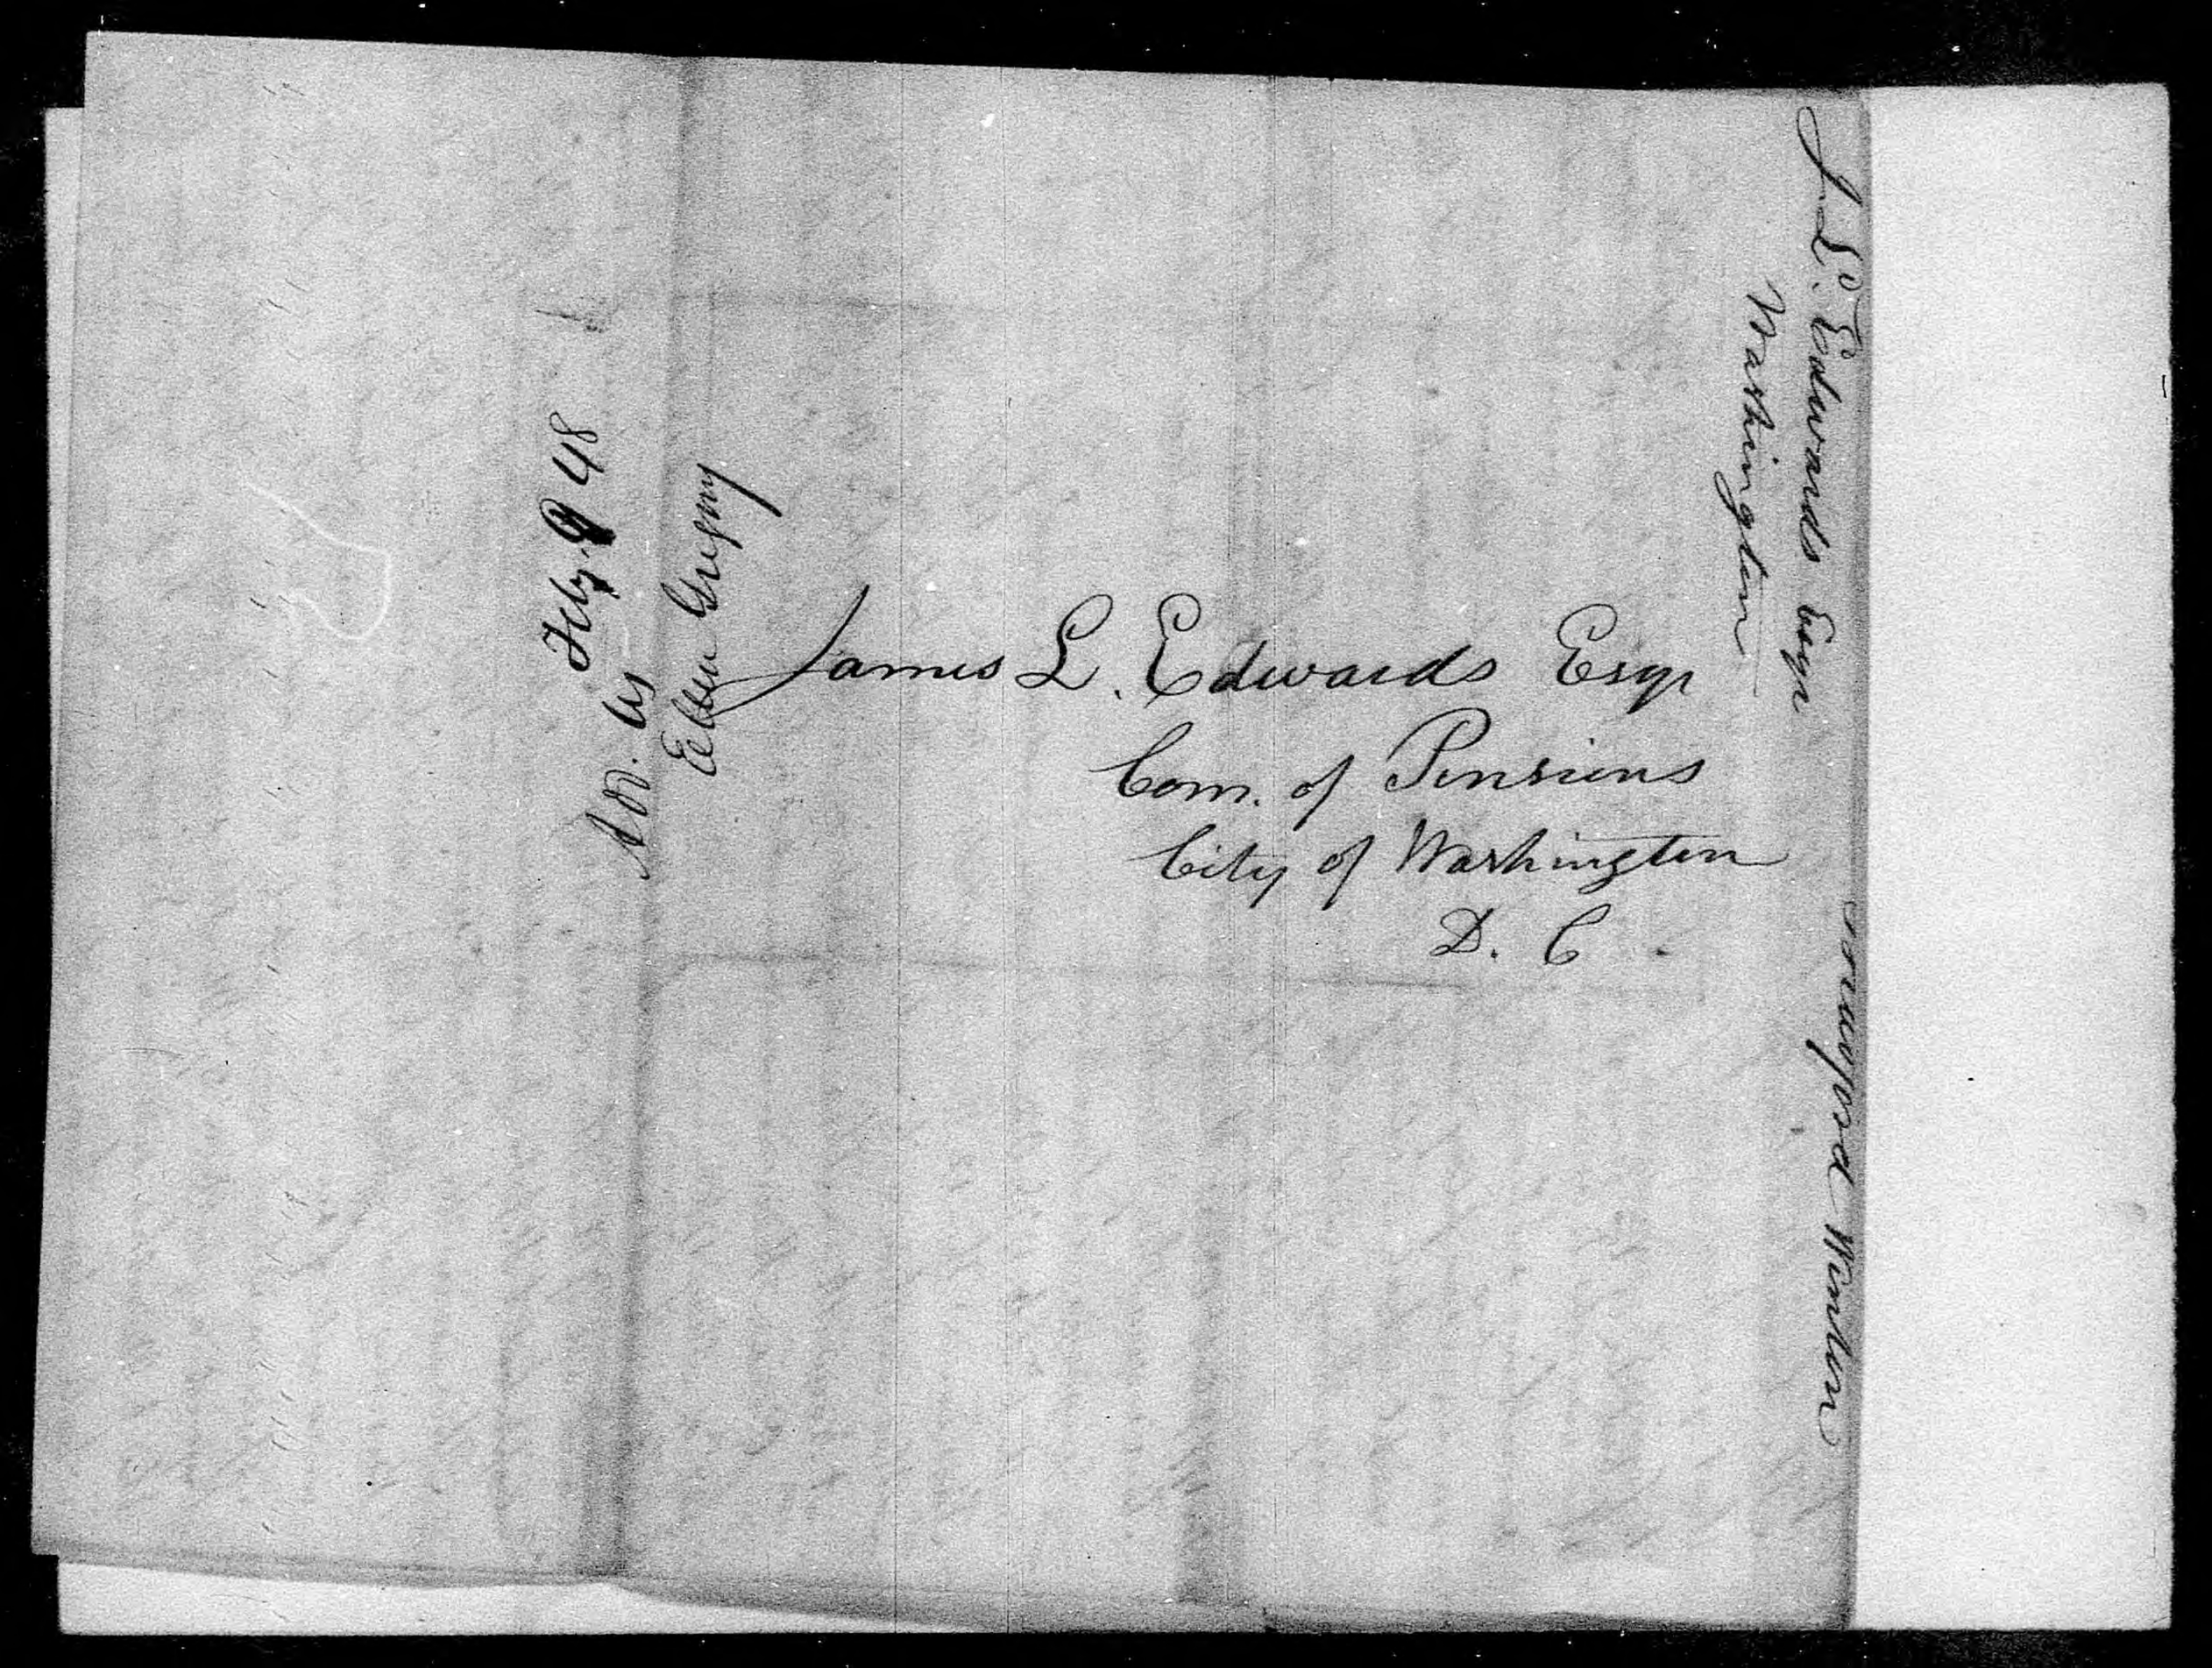[Written vertically, left side]
  Feby. 9 48
App by 
  Ellen Gregory


[Written horizontally, center]
James L. Edwards Esqr
            Com. of Pensions
               City of Washington
                         D.C.

[Written vertically, right side]
J.L. Edwards Esqr            Bradford Winton 
       Washington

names: Bradford Winton, Ellen Gregory, James L Edwards, J L Edwards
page: 36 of 49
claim: widow's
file: W 24308, Josiah Gregory, Conn.